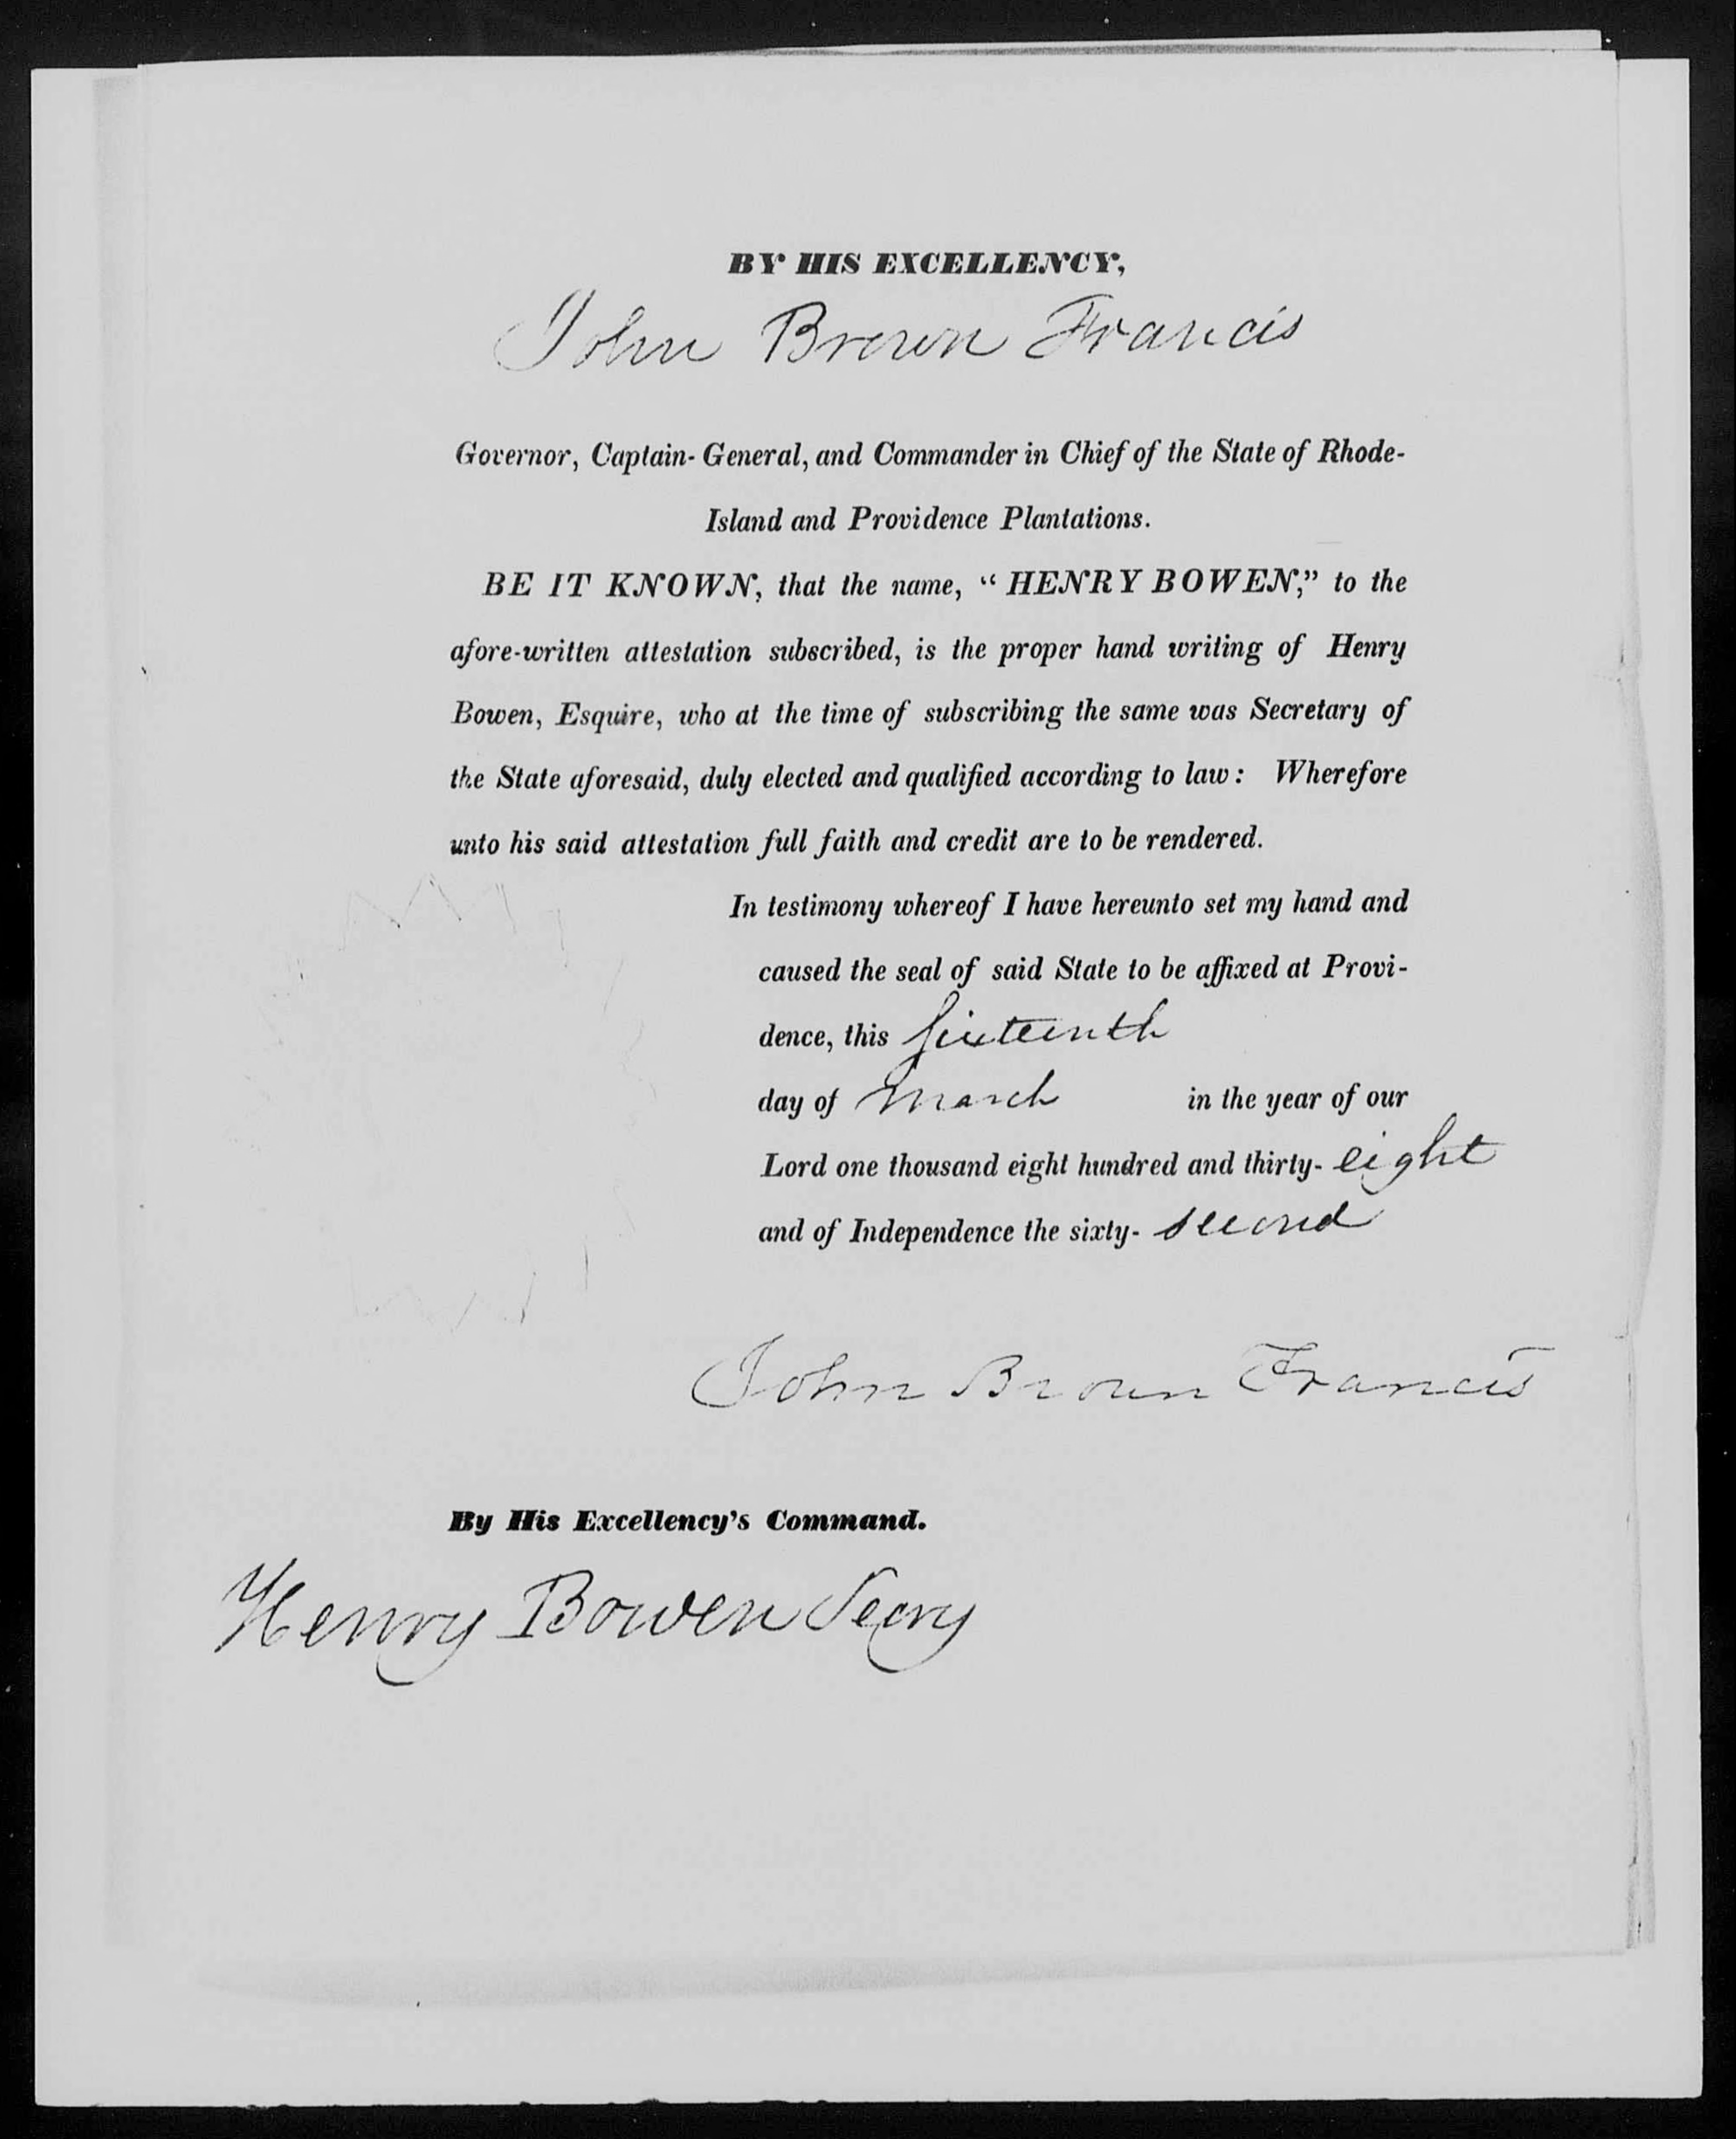BY HIS EXCELLENCY
John Brown Francis
Governor, Captain-General, and Commander in Chief of the State of Rhode-
Island and Providence Plantations.
BE IT KNOWN, that the name, ""HENRY BOWEN."" to the
afore-written attestation subscribed, is the proper hand writing of Henry
Bowen, Esquire, who at the time of subscribing the same was Secretary of
the State aforesaid, duly elected and qualified according to law. Wherefore
unto his said attestation full faith and credit are to be rendered.
In testimony whereof I have hereunto set my hand and
caused the seal of said State to be affixed at Providence
this Sixteenth
day of March
in the year of our
Lord one thousand eight hundred and thirty eight
and of Independence the sixty second
John Brown Francis
By His Excellency's Command.
Henry Bowen Secry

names: Francis, John Brown, Francis, John Brown, Henry Bowen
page: 89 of 100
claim: survivor's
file: S 19186, James Austin, Conn. New York R.I.